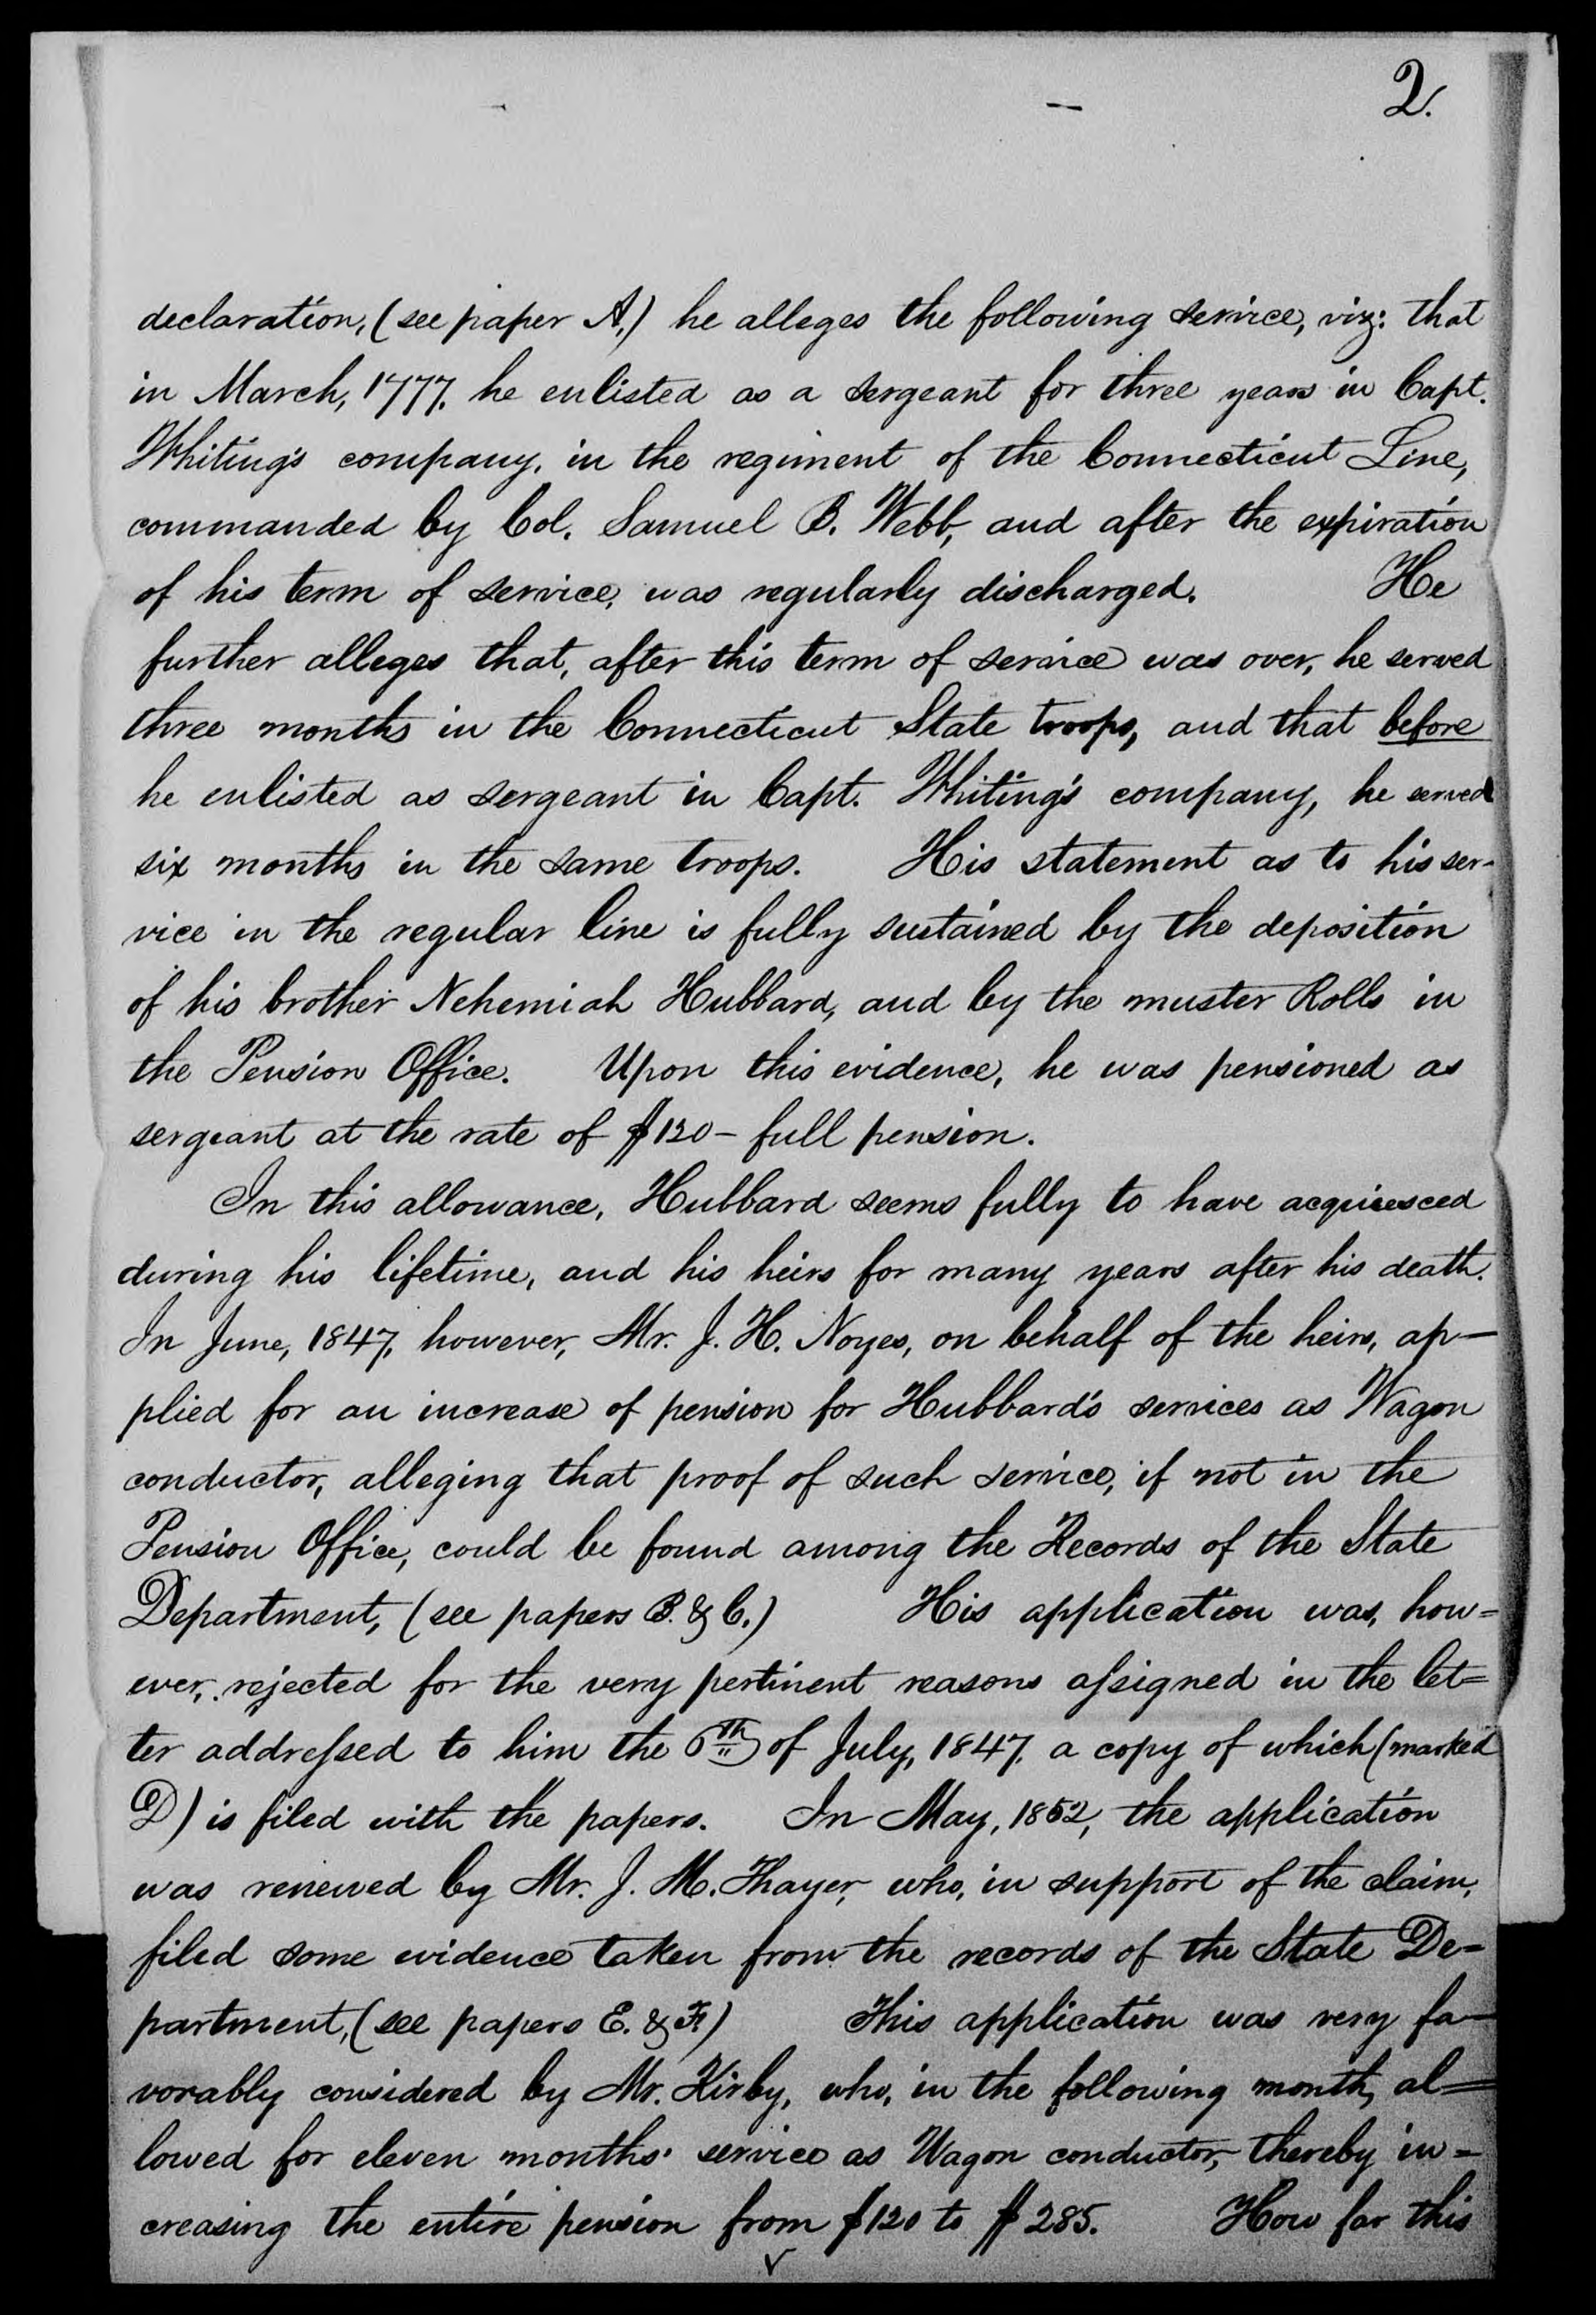2

declaration (see paper A, ) he alleges the following service, viz; that in March, 1777, he enlisted as a sergeant for three years in Capt. Whiting's company, in the regiment of the Connecticut Line, commanded by Col. Samuel B. Webb, and after the expiration of his term of service was regularly discharged.  He further alleges that, after this term of service was over,  he served three months in the Connecticut State troops, and that before he enlisted as sergeant in Capt. Whiting's company, he served six months in the same troops.  His Statement as to his service in the regular line is fully sustained by the deposition of his brother Nehemiah Hubbard, and by the muster Rolls in the Pension Office.   Upon this evidence, he was pensioned as sergeant at the rate of $120 - full pension.  

In this allowance, Hubbard seems fully to have acquiesced during his lifetime, and his heirs for many years after his death.  In June, 1847, however, Mr. J. H. Noyes, on behalf of the heirs, applied for an increase of pension for Hubbard's services as Wagon conductor, alleging that proof of such service, if not  in the Pension Office, could be found among the Records of the State Department, (see papers B. & C. ))  His appllication was, however, rejected for the very pertinent reasons assigned in the letter addressed to him the 6th of July, 1847, a copy of which (marked D) is filed with the papers.  In May, 1852, the application was renewed by Mr. J. H. Thayer, who, in support of the claim filed some evidence taken from the records of the State Department (see papers E & F.)  This application was very favorably considered by Mr. Kirby, who, in the following month, allowed for eleven months' service as Wagon conductor, thereby increasing the entire pension from $1200 to $285.  How far this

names: Kirby, Nehemiah Hubbard, J M Thayer, Samuel B Webb, J H Noyes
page: 49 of 63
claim: survivor's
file: S. 18457, Elisha Hubbard, Conn. Continental